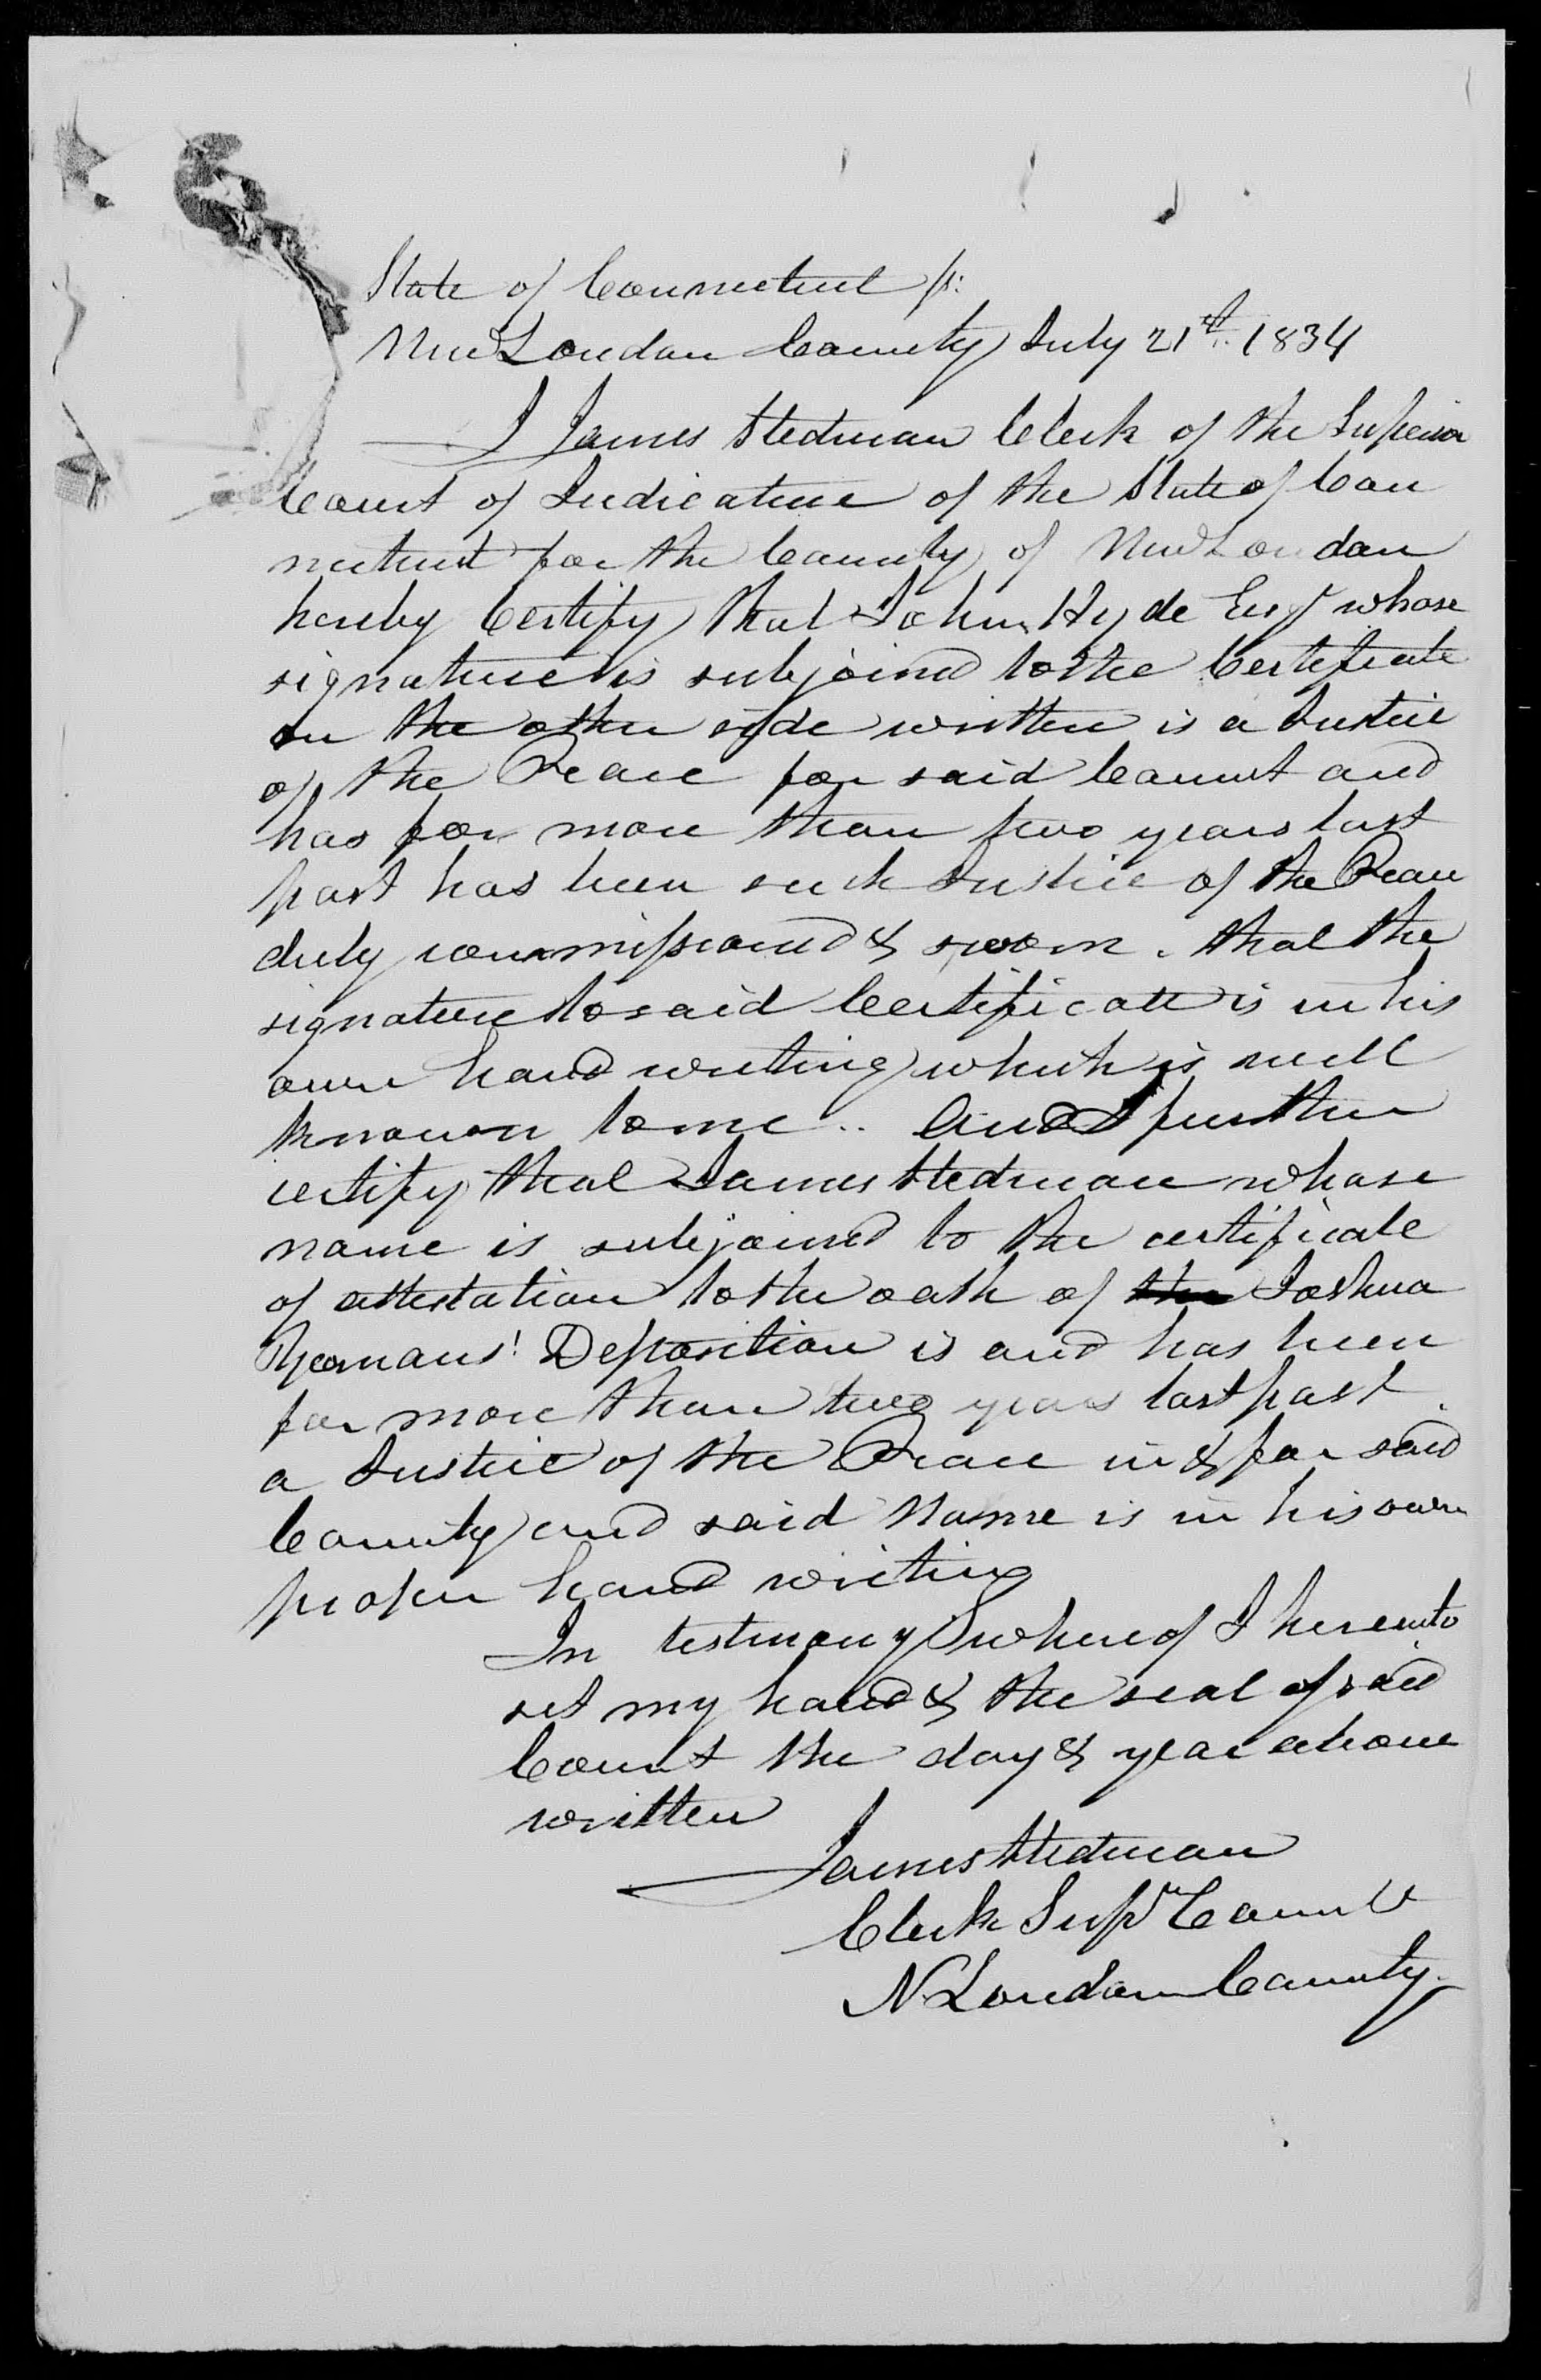State of Connecticut ss:
New London County July 21st 1834

I James Stedman Clerk of the Superior Court of Judicature of the State of Connecticut for the County of New London hereby certify that John Hyde Esq whose signature is subjoined to the Certificate on the other side written is a Justice of the Peace for said Court and has for more than five years last past has been such Justice of the Peace duly commissioned & sworn, that the signature to said Certificate is in his own hand writing which is well-known to me. And I further certify that James Hedrace whose name is subjoined to the certificate of attestation to the oath of Joshua Yeomans' Deposition is and has been for more than two years last past a Justice of the Peace in & for said County and said Name is in his own proper hand writing

In testimony whereof I hereunto set my hand & the seal of said Court the day & year above written

James Stedman
Clerk Sup Court
N. London County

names: James Stedman, James Stedman, Joshua Yeomans, James Stedman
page: 39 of 61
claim: widow's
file: W. 4.124, Luther Barney, Conn. Privateer.